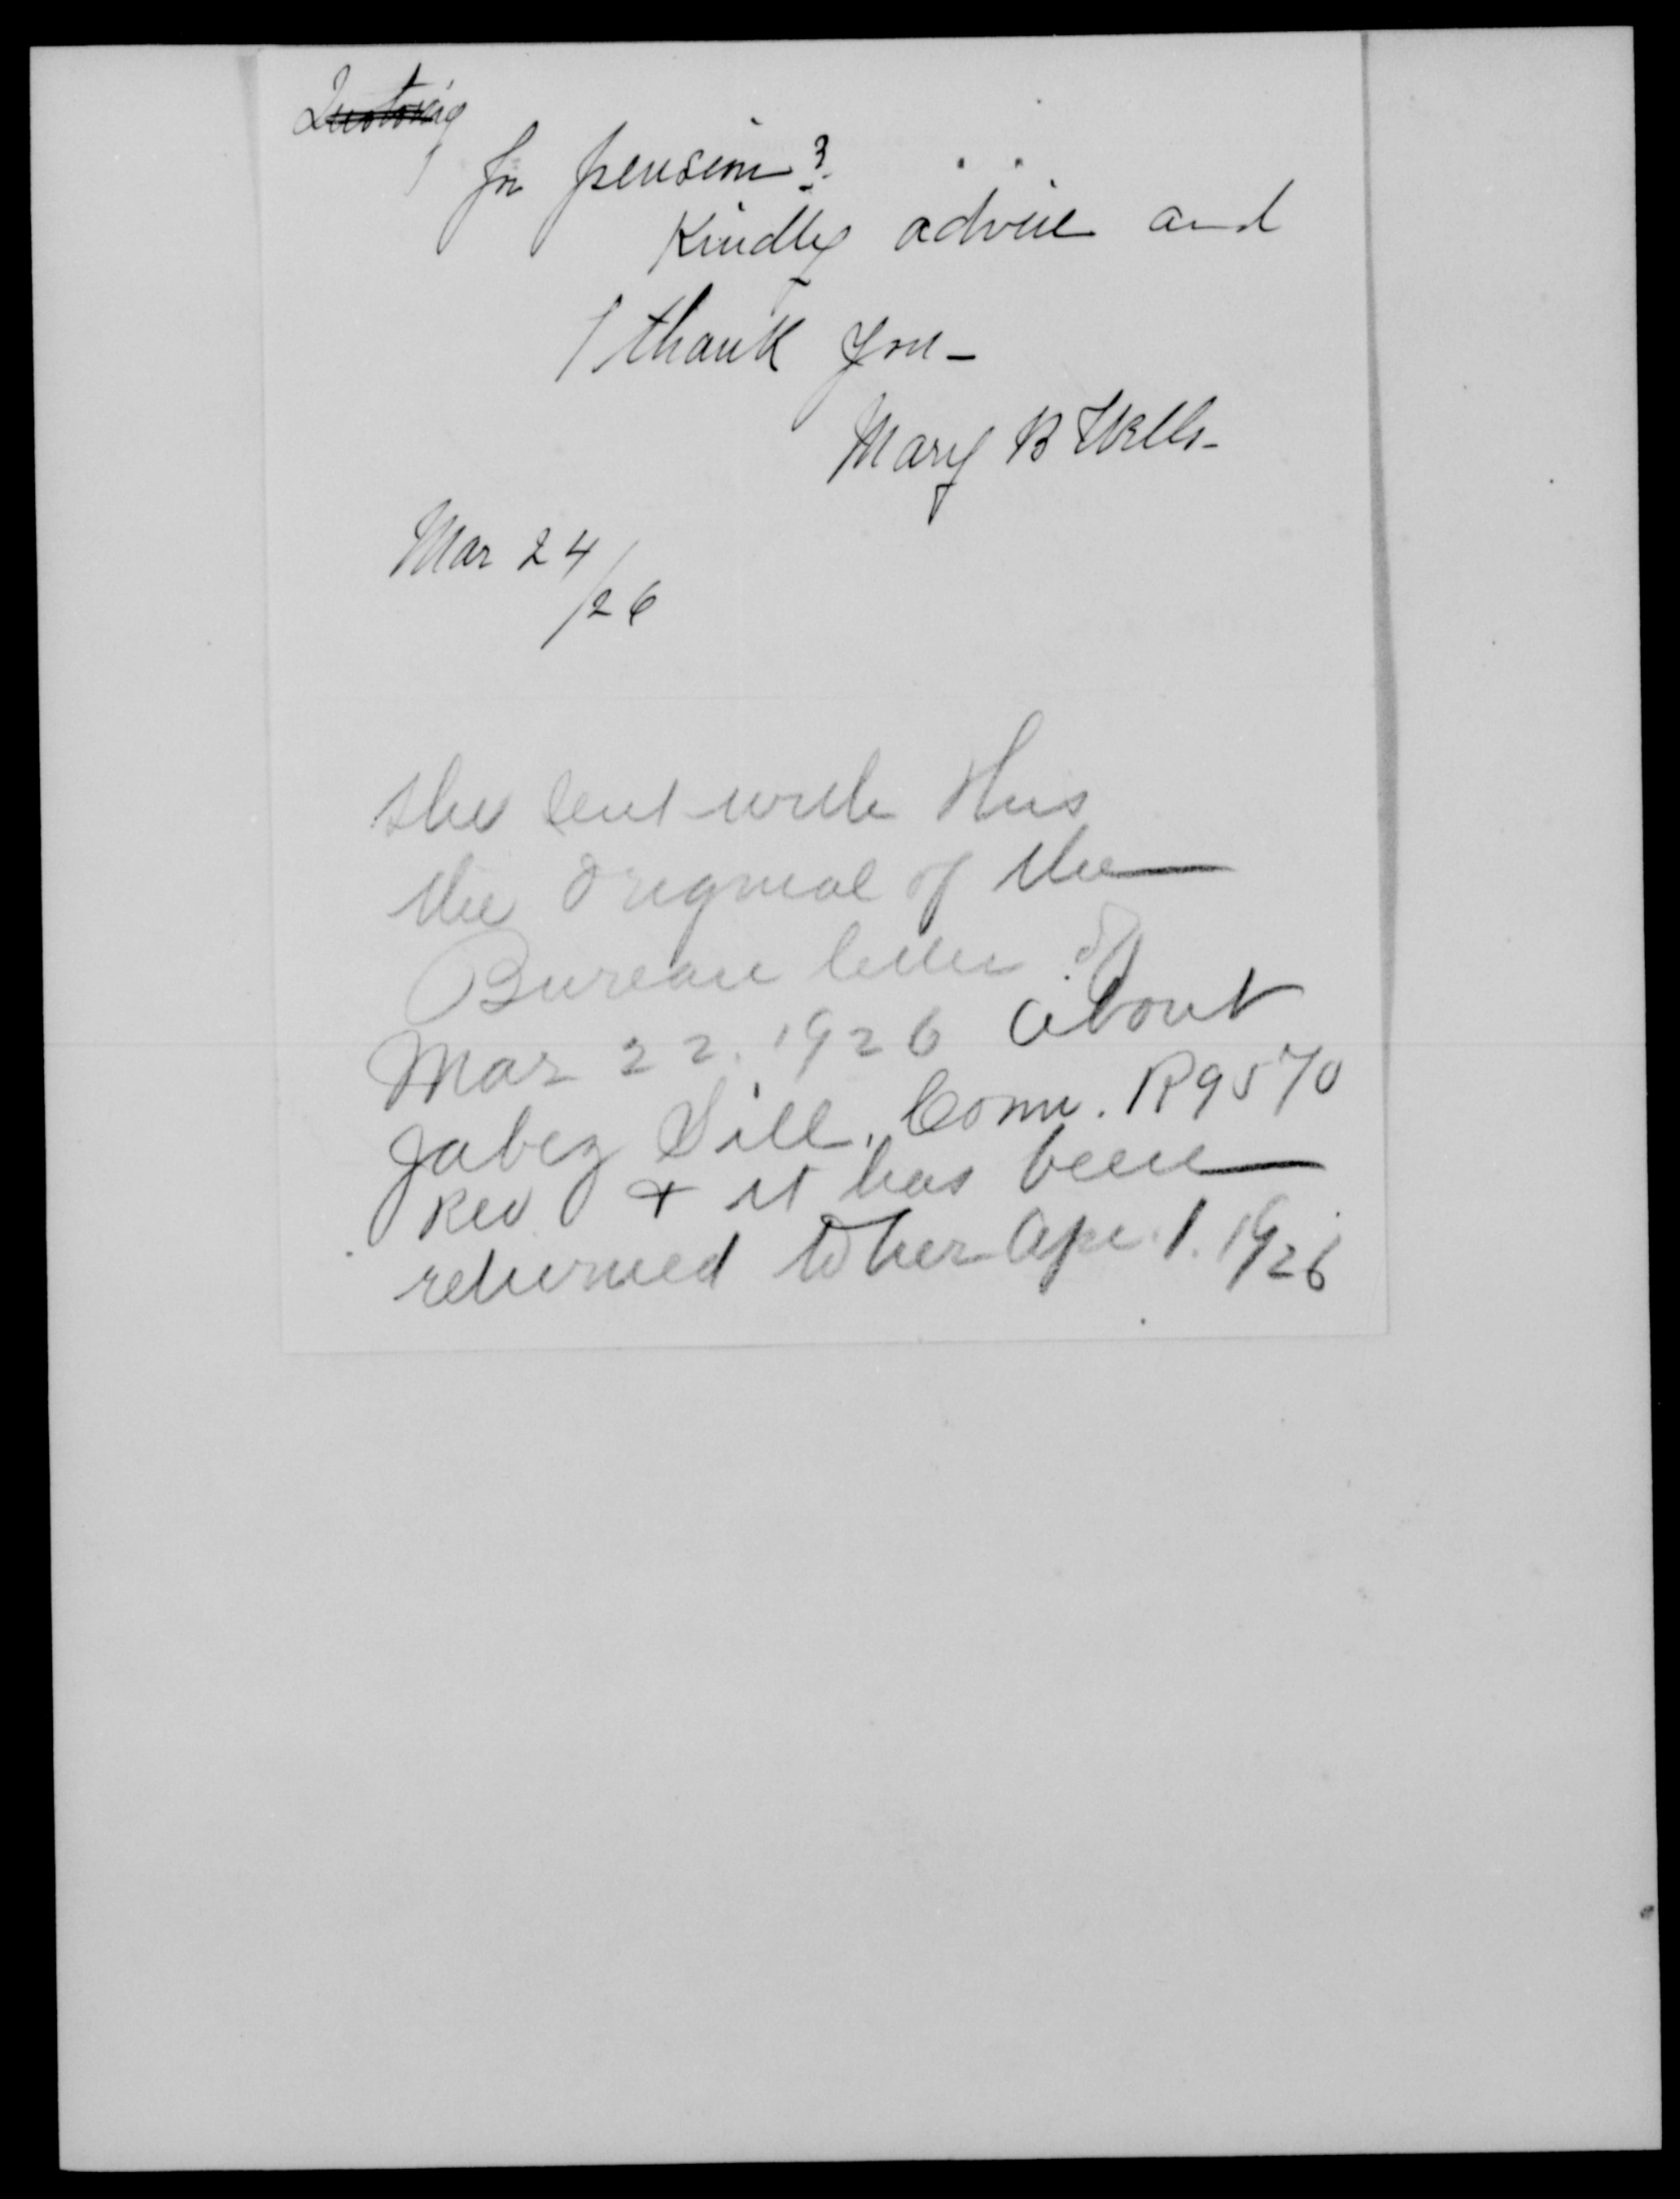for pension?

Kindly advise and thank you,

Mary B. Wells

Mar 24/26

She sent with this the original of the Bureau letter of Mar 22, 1926 about Jabez Sill, Conn. R9570.

Rev & it has been returned to her April, 1926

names: Jabez Sill; Mary B Wells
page: 19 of 29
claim: rejected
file: R. 9570, for Jabez Sill, Connecticut